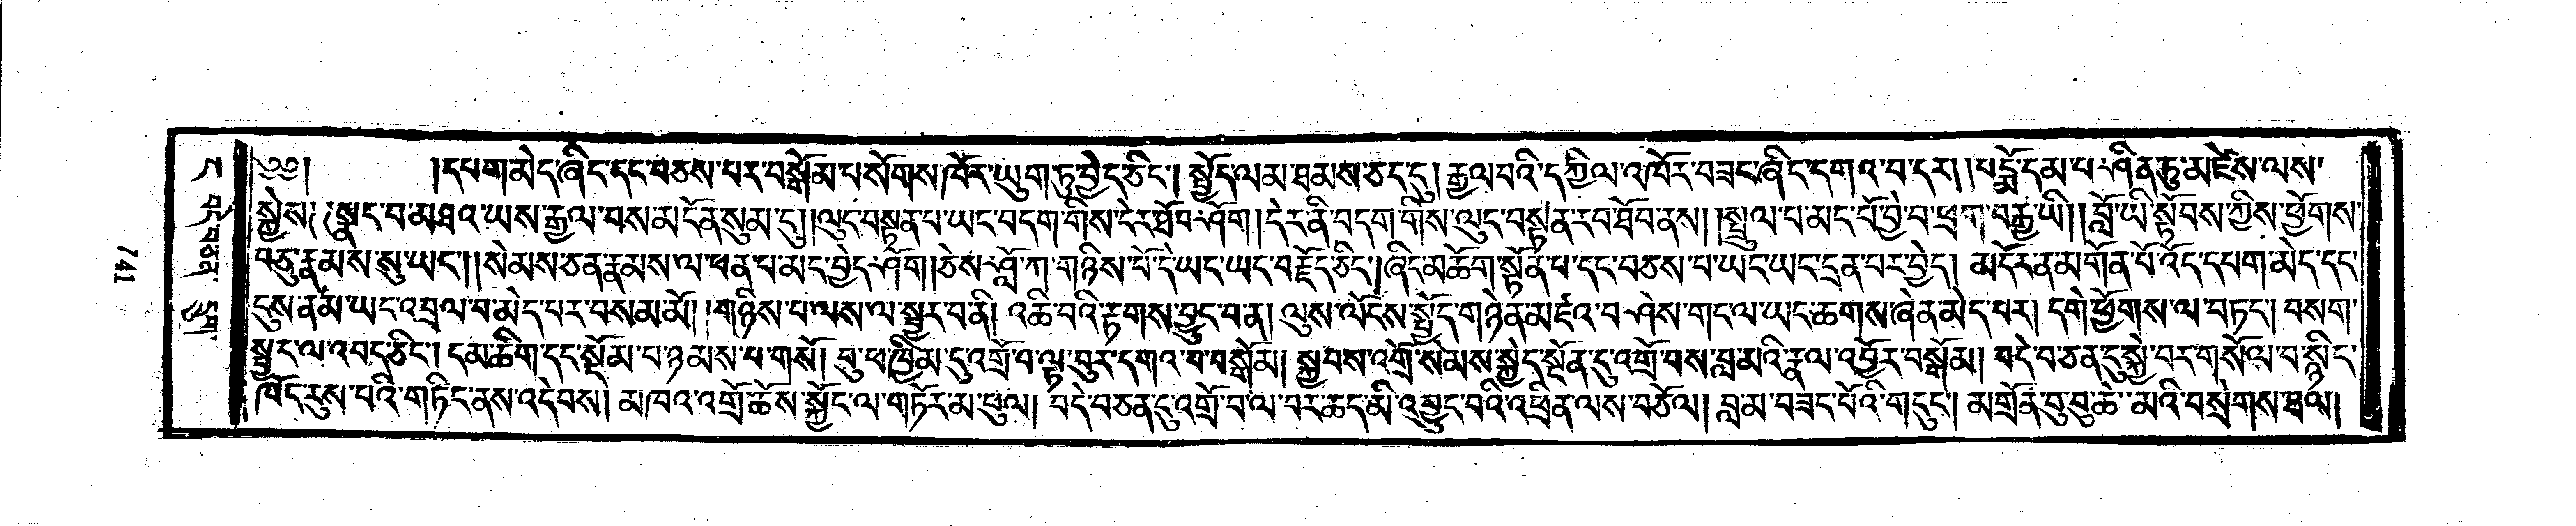༄༅། །དཔག་མེད་ཞིང་དང་བཅས་པར་བསྒོམ་པ་སོགས་ཁོར་ཡུག་ཏུ་བྱེད་ཅིང་། སྤྱོད་ལམ་ཐམས་ཅད་དུ། རྒྱལ་བའི་དཀྱིལ་འཁོར་བཟང་ཞིང་དགའ་བ་དེར། །པདམོ་དམ་པ་ཤིན་ཏུ་མཛེས་ལས་
སྐྱེས། །སྣང་བ་མཐའ་ཡས་རྒྱལ་བས་མངོན་སུམ་དུ། །ལུང་བསྟན་པ་ཡང་བདག་གི་དེར་ཐོབ་ཤོག །དེར་ནི་གིས་ལུང་བསྟན་རབ་ཐོབ་ནས། །སྤྲུལ་པ་མང་པོ་བྱེ་བ་ཕྲག་བརྒྱ་ཡི། །བློ་ཡི་སྟོབས་ཀྱིས་ཕྱོགས་
བཅུ་རྣམས་སུ་ཡང་། །སེམས་ཅན་རྣམས་ལ་ཕན་པ་མང་བྱེད་ཤོག །ཅེས་ཤློ་ཀ་གཉིས་པོ་དེ་ཡང་ཡང་བརྗོད་ཅིང་། ཞིང་མཆོག་སྟོན་པ་དང་བཅས་པ་ཡང་ཡང་དྲན་པར་བྱེད། མདོར་ན་མགོན་པོ་འོད་དཔག་མེད་དང་
དུས་ནམ་ཡང་འབྲལ་བ་མེད་པར་བསམ་མོ། །གཉིས་པ་ལས་ལ་སྦྱར་བ་ནི། འཆི་བའི་རྟགས་བྱུང་བ་ན། ལུས་ལོངས་སྤྱོད་གཉེན་མཛའ་བཤེས་གང་ལ་ཡང་ཆགས་ཞེན་མེད་པར། དགེ་ཕྱོགས་ལ་བཏང་། བསག་
སྦྱང་ལ་འབད་ཅིང་། དམ་ཚིག་དང་སྡོམ་པ་ཉམས་པ་གསོ། བུ་ཕ་ཁྱིམ་དུ་འགྲོ་བ་ལྟ་བུར་དགའ་བ་བསྒོམ། སྐྱབས་འགྲོ་སེམས་སྐྱེད་སྔོན་དུ་འགྲོ་བས་བླ་མའི་རྣལ་འབྱོར་བསྒོམ། བདེ་བ་ཅན་དུ་སྐྱེ་བར་གསོལ་བ་སྙིང་
ཁོང་རུས་པའི་གཏིང་ནས་འདེབས། མཁའ་འགྲོ་ཆོས་སྐྱོང་ལ་གཏོར་མ་ཕུལ། བདེ་བ་ཅན་དུ་འགྲོ་བ་ལ་བར་ཆད་མི་འབྱུང་བའི་འཕྲིན་ལས་བཅོལ། བླ་མ་བཟང་པོའི་གདུང་། མགྲོན་བུ་བུ་ཆེ་མའི་བསྲེགས་ཐལ།